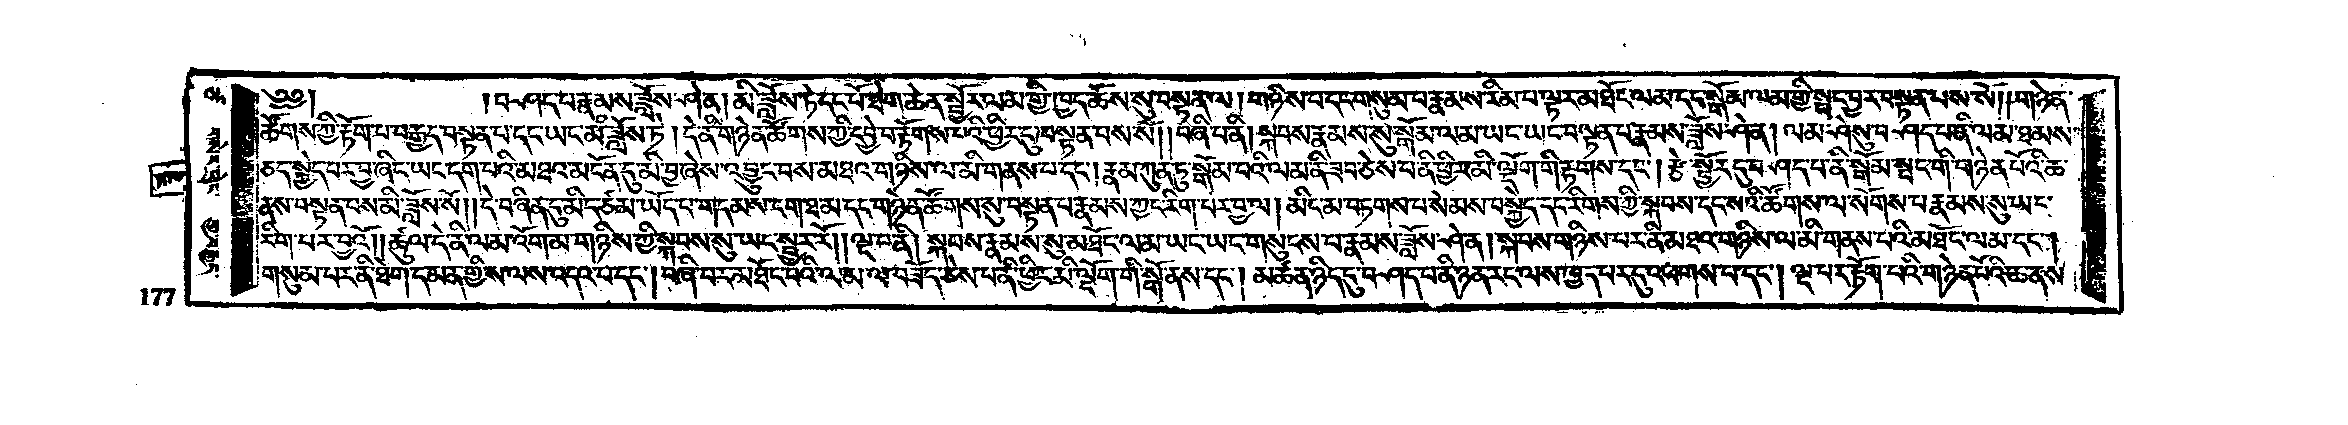༄༅། །བཤད་པ་རྣམས་ཟློས་ཤེ་ན། མི་ཟློས་ཏེ་དང་པོ་ཐེག་ཆེན་སྦྱོར་ལམ་གྱི་ཁྱད་ཆོས་སུ་བསྟན་ལ། གཉིས་པ་དང་གསུམ་པ་རྣམས་རིམ་པ་ལྟར་མཐོང་ལམ་དང་སྒོམ་ལམ་གྱི་སྤང་བྱར་བསྟན་པས་སོ། །གཉེན་
ཚོགས་ཀྱི་རྟོག་པ་བརྒྱད་བསྟན་པ་དང་ཡང་མི་ཟློས་ཏེ། དེ་ནི་གཉེན་ཚོགས་ཀྱི་དབྱེ་བ་རྟོགས་པའི་ཕྱིར་དུ་བསྟན་པས་སོ། །བཞི་པ་ནི། སྐབས་རྣམས་སུ་སྒོམ་ལམ་ཡང་ཡང་བསྟན་པ་རྣམས་ཟློས་ཤེ་ན། ལམ་ཤེས་སུ་བཤད་པ་ནི་ལམ་ཐམས་
ཅད་སྐྱེད་པར་བྱ་ཞིང་ཡང་དག་པའི་མཐའ་མངོན་དུ་མི་བྱ་ཞེས་འབྱུང་བས་མཐའ་གཉིས་ལ་མི་གནས་པ་དང་། རྣམ་ཀུན་ཏུ་སྒོམ་པའི་ལམ་ནི་ཟབ་ཅེས་པ་ནི་ཕྱིར་མི་ལྡོག་གི་རྟགས་དང་། རྩེ་སྦྱོར་དུ་བཤད་པ་ནི་སྒོམ་སྤང་གི་གཉེན་པོའི་ཆ་
ནས་བསྟན་པས་མི་ཟློས་སོ། །དེ་བཞིན་དུ་མིང་ཙམ་ཡོད་པ་གདམས་ངག་ཐ་མ་དང་གཉེན་ཚོགས་སུ་བསྟན་པ་རྣམས་ཀྱང་རིག་པར་བྱ་ལ། མིང་མ་བཏགས་པ་སེམས་བསྐྱེད་དང་རིགས་ཀྱི་སྐབས་དང་སའི་ཚོགས་ལ་སོགས་པ་རྣམས་སུ་ཡང་
རིག་པར་བྱའོ། །ཚུལ་དེ་ནི་ལམ་འོག་མ་གཉིས་ཀྱི་སྐབས་སུ་ཡང་སྦྱར་རོ། །ལྔ་པ་ནི། སྐབས་རྣམས་སུ་མཐོང་ལམ་ཡང་ཡང་གསུངས་པ་རྣམས་ཟློས་ཤེ་ན། སྐབས་གཉིས་པར་ནི་མཐའ་གཉིས་ལ་མི་གནས་པའི་མཐོང་ལམ་དང་།
གསུམ་པར་ནི་ཐེག་དམན་གྱི་ས་ལས་འདའ་བ་དང་། བཞི་བར་མཐོང་བའི་ལམ་ལ་བཟོད་ཅེས་པ་ནི་ཕྱིར་མི་ལྡོག་གི་སྒོ་ནས་དང་། མཚན་ཉིད་དུ་བཤད་པ་ནི་ཉན་རང་ལས་ཁྱད་པར་དུ་འཕགས་པ་དང་། ལྔ་པར་རྟོག་པའི་གཉེན་པོའི་ཆ་ནས་